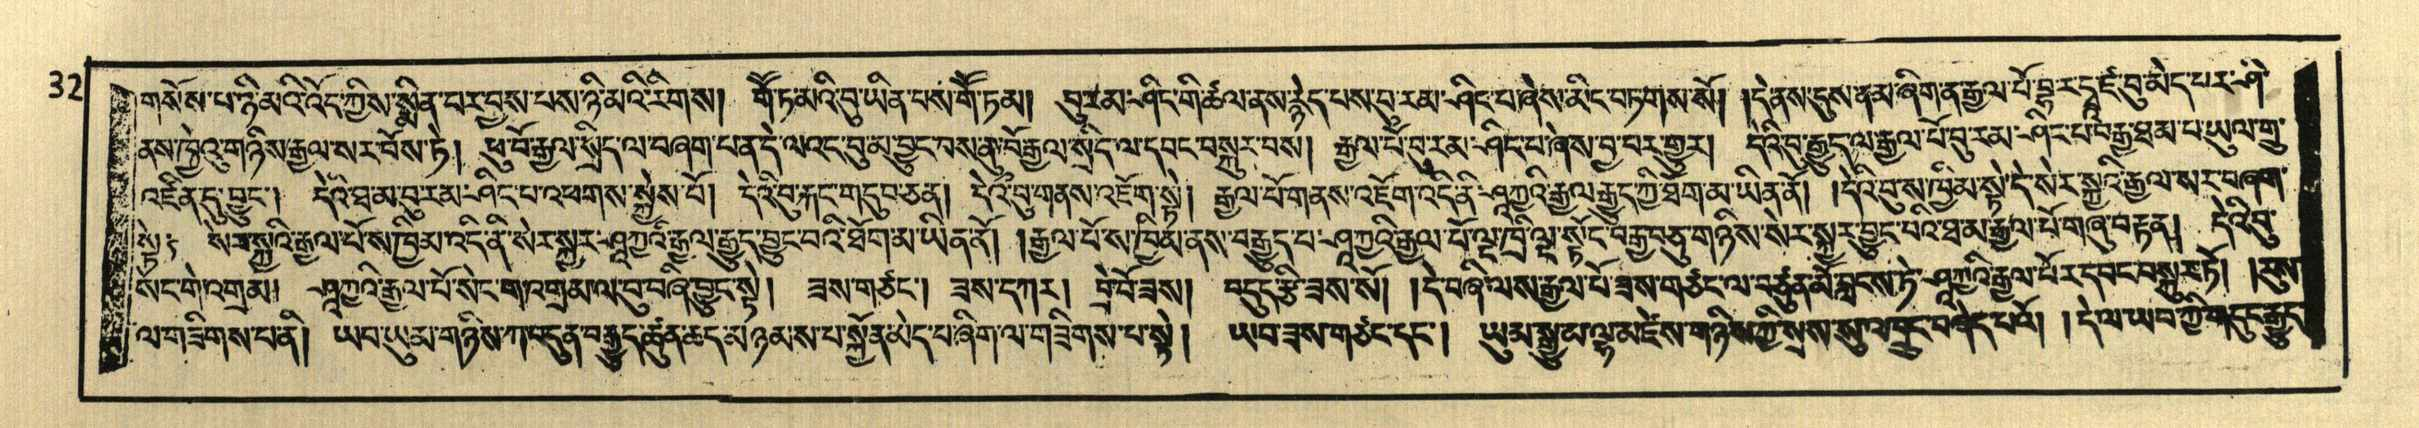གསོས་པ་ཉི་མའི་འོད་ཀྱིས་སྨིན་པར་བྱས་པས་ཉི་མའི་རིགས། གཽ་ཏ་མའི་བུ་ཡིན་པས་གཽ་ཏམ། བུར་མ་ཤིང་གི་ཚལ་ནས་རྙེད་པས་བུ་རམ་ཤིང་བཞེས་མིང་བཏགས་སོ། །དེ་ནས་དུས་ནམ་ཞིག་ན་རྒྱལ་པོ་བྷ་ར་དྭཱ་ཛ་བུ་མེད་པར་ཤི་
ནས་ཁྱེའུ་གཉིས་རྒྱལ་སར་བོས་ཏེ། ཕུ་བོ་རྒྱལ་སྲིད་ལ་བཞག་པ་ན་དེ་ལའང་བུ་མ་བྱུང་བས་ནུ་བོ་རྒྱལ་སྲིད་ལ་དབང་བསྐུར་བས། རྒྱལ་པོ་བུ་རམ་ཤིང་པ་ཞེས་བྱ་བར་གྱུར། དེའི་བུ་རྒྱུད་ལ་རྒྱལ་པོ་བུ་རམ་ཤིང་པ་བརྒྱ་ཐ་མ་པ་ཡུལ་གྲུ་
འཛིན་དུ་བྱུང་། དེའི་ཐ་མ་བུ་རམ་ཤིང་པ་འཕགས་སྐྱེས་པོ། དེའི་བུ་རྐང་གདུབ་ཅན། དེའི་བུ་གནས་འཇོག་སྟེ། རྒྱལ་པོ་གནས་འཇོག་འདི་ནི་ཤཱཀྱའི་རྒྱལ་རྒྱུད་ཀྱི་ཐོག་མ་ཡིན་ནོ། །དེའི་བུ་ས་ཁྱིམ་སྟེ་དེ་སེར་སྐྱའི་རྒྱལ་སར་བཞག་
སྟེ༑ སེར་སྐྱའི་རྒྱལ་པོ་ས་ཁྱིམ་འདི་ནི་སེར་སྐྱར་ཤཱཀྱའི་རྒྱལ་རྒྱུད་བྱུང་བའི་ཐོག་མ་ཡིན་ནོ། །རྒྱལ་པོས་ཁྱིམ་ནས་བརྒྱུད་པ་ཤཱཀྱའི་རྒྱལ་པོ་ལྔ་ཁྲི་ལྔ་སྟོང་བརྒྱ་བཅུ་གཉིས་སེར་སྐྱར་བྱུང་པའི་ཐ་མ་རྒྱལ་པོ་གཞུ་བརྟན། དེའི་བུ་
སེང་གེ་འགྲམ། ཤཱཀྱའི་རྒྱལ་པོ་སེང་གེ་འགྲམས་བུ་བཞི་བྱུང་སྟེ། ཟས་གཙང་། ཟས་དཀར། བྲེ་བོ་ཟས། བདུད་རྩི་ཟས་སོ། །དེ་བཞི་ལས་རྒྱལ་པོ་ཟས་གཙང་ལ་བཙུན་མོ་བླངས་ཏེ་ཤཱཀྱའི་རྒྱལ་པོར་དབང་བསྐུར་ཏོ། །རུས་
ལ་གཟིགས་པ་ནི། ཡབ་ཡུམ་གཉིས་ཀ་བདུན་བརྒྱུད་ཚུན་ཆད་མཉམས་པ་སྐྱོན་མེད་པ་ཞིག་ལ་གཟིགས་པ་སྟེ། ཡབ་ཟས་གཙང་དང་། ཡུམ་སྒྱུ་མ་ལྷ་མཛེས་གཉིས་ཀྱི་སྲས་སུ་འཁྲུང་བཞེད་པའོ། །དེ་ལ་ཡབ་ཀྱི་གདུང་རྒྱུད་